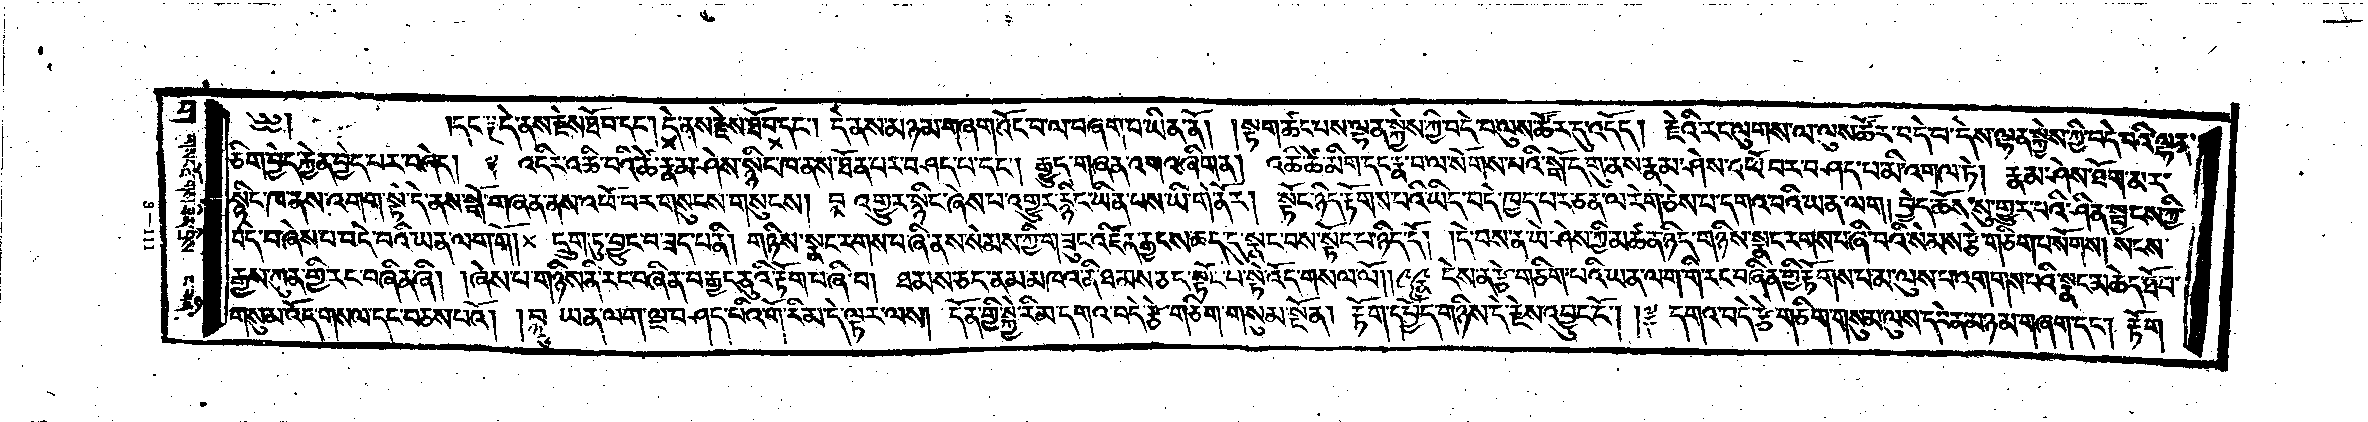༄༅། །དང༈ དེ་ནས་རྗེས་ཐོབ་དང་། དེ་ནས་རྗེས་ཐོབ་དང་། དེ་ནས་མཉམ་གཞག་འོང་བ་ལ་བཞག་པ་ཡིན་ནོ། །སྟག་ཚང་བས་ལྷན་སྐྱེས་ཀྱི་བདེ་བ་ལུས་ཚོར་དུ་འདོད། རྗེའི་རང་ལུགས་ལ་ལུས་ཚོར་བདེ་བ་དེས་ལྷན་སྐྱེས་ཀྱི་བདེ་བའི་ལྷན་
ཅིག་བྱེད་རྐྱེན་བྱེད་པར་བཞེད། ༈ འདིར་འཆི་བའི་ཚེ་རྣམ་ཤེས་སྙིང་ཁ་ནས་ཐོན་པར་བཤད་པ་དང་། རྒྱུད་གཞན་འགའ་ཞིག་ན། འཆི་ཚེ་མིག་དང་རྣ་བ་ལ་སོགས་པའི་སྒོ་དགུ་ནས་རྣམ་ཤེས་འཕོ་བར་བཤད་པ་མི་འགལ་ཏེ། རྣམ་ཤེས་ཐོག་མར་
སྙིང་ཁ་ནས་འགག་སྟེ་དེ་ནས་སྒོ་གཞན་ནས་འཕོ་བར་གསུངས་གསུངས། བ་འགྱུར་སྙིང་ཞེས་པ་འགྱུར་རྙིང་ཡིན་པས་ཡི་གེ་ནོར། སྟོང་ཉིད་རྟོགས་པའི་ཡིད་བདེ་ཁྱད་པར་ཅན་ལ་རེག་ཅེས་པ་དགའ་བའི་ཡན་ལག། བྱེད་ཆོས་སུ་གྱུར་བའི་ཤིན་སྦྱངས་ཀྱི་
བདེ་བ་ཞེས་པ་བདེ་བའི་ཡན་ལག་གོ། ྾་དྲུག་ཏུ་བྱུང་བ་ཟད་པ་ནི། གཉིས་སྣང་རགས་པ་ཞི་ནས་སེམས་ཀྱི་གཟུང་འཛིན་རྒྱངས་ཆད་དུ་སྣང་བས་སྟོང་པ་ཉིད་དོ། །དེ་བས་ན་ཡེ་ཤེས་ཀྱི་མཚན་ཉིད་གཉིས་སྣང་རགས་བཞི་བའི་སེམས་རྩེ་གཅིག་པ་སོགས། སངས་
རྒྱས་ཀུན་གྱི་རང་བཞིན་ཞི། །ཞེས་པ་གཉིས་ནི་རང་བཞིན་བརྒྱད་ཅུའི་རྟོག་བཞི་པ། ཐམས་ཅད་ནམ་མཁའ་ནི་ཐམས་ཅད་སྟོང་པ་སྟེ་འོད་གསལ་ལོ།། ༩༩་དེས་ན་རྩེ་གཅིག་པའི་ཡན་ལག་གི་རང་བཞིན་གྱི་རྟོགས་པ་མ་ལུས་པ་འགགས་པའི་སྣང་མཆེད་ཐོབ་
གསུམ་འོད་གསལ་དང་བཅས་པའོ། །བ་ཡན་ལག་ལྔ་བཤད་པའི་གོ་རིམ་དེ་ལྟར་ལས། དོན་གྱི་སྐྱེ་རིམ་དགའ་བདེ་རྩེ་གཅིག་གསུམ་སྔོན། རྟོག་དཔྱོད་གཉིས་དེ་རྗེས་འབྱུང་ངོ། །༈ དགའ་བདེ་རྩེ་གཅིག་གསུམ་ལུས་དབེན་མཉམ་གཞག་དང་། རྟོག་